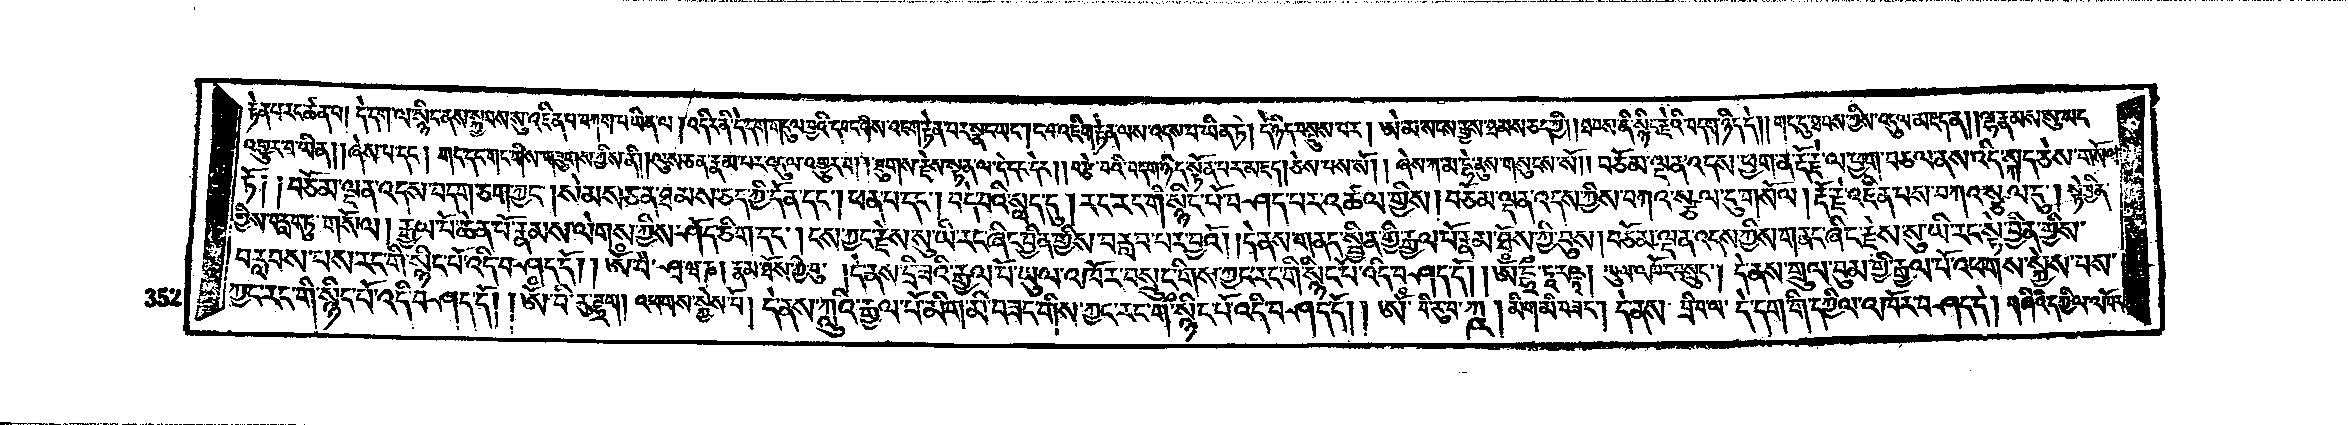རྟེན་པ་རང་ཆེན་པ། དེ་དག་ལ་སྙིང་ནས་སྐྱབས་སུ་འཛིན་པ་བཀག་པ་ཡིན་ལ། འདིར་ནི་དེ་དག་གདུལ་བྱའི་དབང་གིས་འཇིག་རྟེན་པར་སྣང་ཡང་། ངོ་བོ་འཇིག་རྟེན་ལས་འདས་པ་ཡིན་ཏེ། དེ་ཉིད་བསྡུས་པར། ཨེ་མ་སངས་རྒྱས་ཐམས་ཅད་ཀྱི། །ཐབས་ནི་སྙིང་རྗེའི་བདག་ཉིད་དེ། །གང་དུ་ཐབས་ཀྱིས་འདུལ་མཛད་ན། །ལྷ་རྣམས་སུ་ཡང་
འགྱུར་བ་ཡིན། །ཞེས་པ་དང་། གང་དང་གང་གིས་གཟུགས་ཀྱིས་ནི། །ལུས་ཅན་རྣམ་པར་འདུལ་འགྱུར་བ། །ཐུགས་རྗེས་སྟན་ལ་དེ་དང་དེར། །བརྩེ་བའི་བདག་ཉིད་སྟོན་པར་མཛད། ཅེས་པས་སོ། །ཞེས་ཀ་མ་དྷེ་ནུས་གསུངས་སོ། །བཅོམ་ལྡན་འདས་ཕྱག་ན་རྡོ་རྗེ་ལ་ཕྱག་བཙལ་ནས་འདི་སྐད་ཅེས་གསོལ་
ཏོ། །བཅོམ་ལྡན་འདས་བདག་ཅག་ཀྱང་། སེམས་ཅན་ཐམས་ཅད་ཀྱི་དོན་དང་། ཕན་པ་དང་། བདེ་བའི་སླད་དུ། རང་རང་གི་སྙིང་པོ་བཤད་པར་འཚལ་གྱིས། བཅོམ་ལྡན་འདས་ཀྱིས་བཀའ་སྩལ་དུ་གསོལ། རྡོ་རྗེ་འཛིན་པས་བཀའ་སྩལ་དུ། སྟེ་བྱིན་
གྱིས་བརླབ་ཏུ་གསོལ། རྒྱལ་པོ་ཆེན་པོ་རྣམས་ལེགས་ཀྱིས་ཤོད་ཅིག་དང་། ངས་ཀྱང་རྗེས་སུ་ཡི་རང་ཞིང་བྱིན་གྱིས་བརླབ་པར་བྱའོ། །དེ་ནས་གནོད་སྦྱིན་གྱི་རྒྱལ་པོ་རྣམ་ཐོས་ཀྱི་བུས། བཅོམ་ལྡན་འདས་ཀྱིས་གནང་ཞིང་རྗེས་སུ་ཡི་རང་སྟེ་བྱིན་གྱིས་
བརླབས་པས་རང་གི་སྙིང་པོ་འདི་བཤད་དོ། །ཨོཾ་བཻ་ཤྲ་ཝ་ཎ། རྣམ་ཐོས་ཀྱི་བུ་།དེ་ནས་དྲི་ཟའི་རྒྱལ་པོ་ཡུལ་འཁོར་བསྲུང་གིས་ཀྱང་རང་གི་སྙིང་པོ་འདི་བཤད་དོ། །ཨོཾ་དྷྲྀ་ཏཱ་རཥྟ། ཡུལ་འཁོར་བསྲུང་།  དེ་ནས་གྲུལ་བུམ་གྱི་རྒྱལ་པོ་འཕགས་སྐྱེས་པས་
ཀྱང་རང་གི་སྙིང་པོ་འདི་བཤད་དོ། །ཨོཾ་བི་རུ་ཌྷྲད། འཕགས་སྐྱེས་པོ།  དེ་ནས་ཀླུའི་རྒྱལ་པོ་མིག་མི་བཟང་གིས་ཀྱང་རང་གི་སྙིང་པོ་འདི་བཤད་དོ། །ཨོཾ་བི་རུ་བ་ཀྵ། མིག་མི་བཟང་།  དེ་ནས་བྲི་བ་ལ་དེ་དག་གི་དཀྱིལ་འཁོར་བཤད་དེ། གཞིའི་དཀྱིལ་འཁོར་